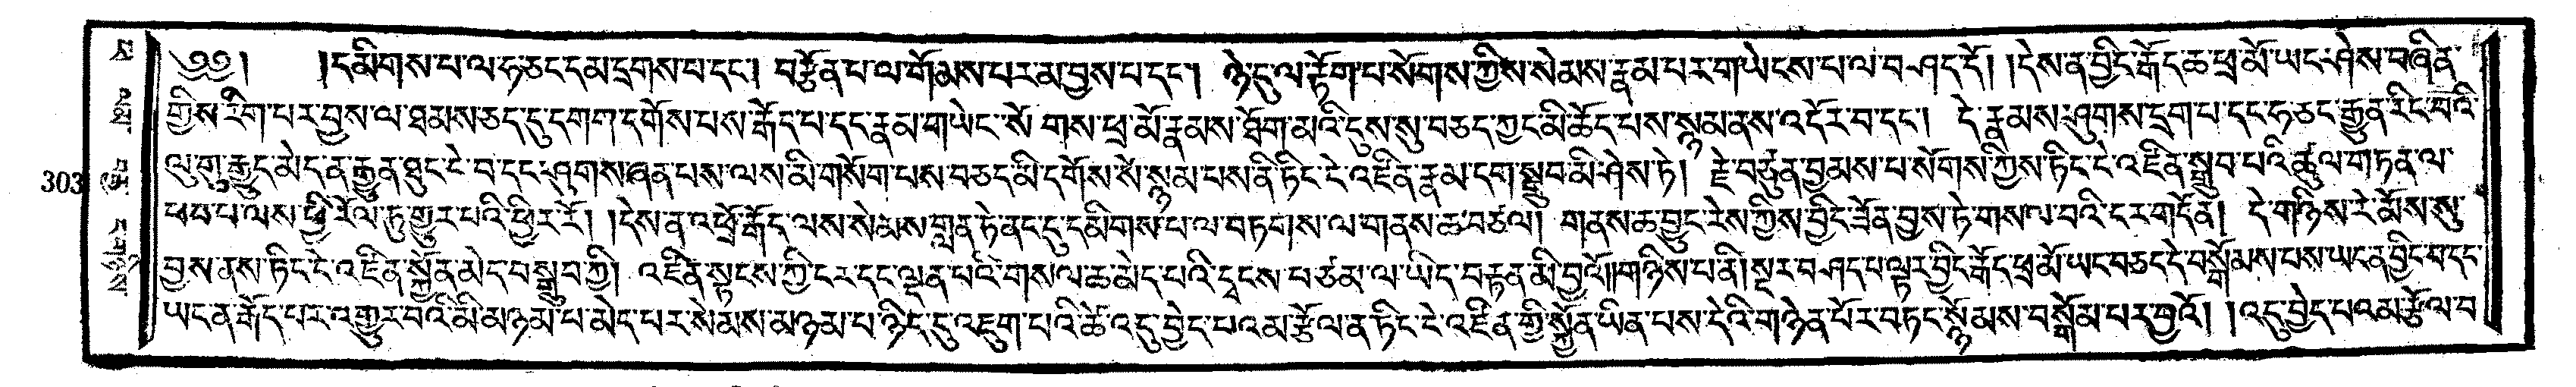༄༅། །དམིགས་པ་ལ་ཧ་ཅང་དམ་དྲགས་པ་དང་། བརྩོན་པ་ལ་གོམས་པར་མ་བྱས་པ་དང་། ཉེ་དུ་ལ་རྟོག་པ་སོགས་ཀྱིས་སེམས་རྣམ་པར་གཡེངས་པ་ལ་བཤད་དོ། །དེས་ན་བྱིང་རྒོད་ཆ་ཕྲ་མོ་ཡང་ཤེས་བཞིན་
གྱིས་རིག་པར་བྱས་ལ་ཐམས་ཅད་དུ་དགག་དགོས་པས་རྒོད་པ་དང་རྣམ་གཡེང་སོ་གས་ཕྲ་མོ་རྣམས་ཐོག་མའི་དུས་སུ་བཅད་ཀྱང་མི་ཆོད་པས་སྙམ་ནས་འདོར་བ་དང་། དེ་རྣམས་ཤུགས་དྲག་པ་དང་ཧ་ཅང་རྒྱུན་རིང་པའི་
ལུ་གུ་རྒྱུད་མེད་ན་རྒྱུན་ཐུང་དེ་བ་དང་ཤུགས་ཞན་པས་ལས་མི་གསོག་པས་བཅད་མི་དགོས་སོ་སྙམ་པས་ནི་ཏིང་ངེ་འཛིན་རྣམ་དག་སྒྲུབ་མི་ཤེས་ཏེ། རྗེ་བཙུན་བྱམས་པ་སོགས་ཀྱིས་ཏིང་ངེ་འཛིན་སྒྲུབ་པའི་ཚུལ་གཏན་ལ་
ཕབ་པ་ལས་ཕྱི་རོལ་ཏུ་གྱུར་པའི་ཕྱིར་རོ། །དེས་ན་འཕྲོ་རྒོད་ལས་སེམས་གླན་ཏེ་ནང་དུ་དམིགས་པ་ལ་བཏགས་ལ་གནས་ཆ་བཙལ། གནས་ཆ་བྱུང་རེས་ཀྱིས་བྱིང་ཟོན་བྱས་ཏེ་གསལ་བའི་དར་གདོན། དེ་གཉིས་རེ་མོས་སུ་
བྱས་ནས་ཏིང་ངེ་འཛིན་སྐྱོན་མེད་བསྒྲུབ་ཀྱི། འཛིན་སྟངས་ཀྱི་ངར་དང་ལྡན་པའི་གསལ་ཆ་མེད་པའི་དྭངས་པ་བཙམ་ལ་ཡིད་བརྟན་མི་བྱའོ། །གཉིས་པ་ནི། སྔར་བཤད་པ་ལྟར་བྱིང་རྒོད་ཕྲ་མོ་ཡང་བཅད་དེ་བསྒོམས་པས་ཡང་ན་བྱིང་བ་དང་
ཡང་ན་རྒོད་པར་འགྱུར་བའི་མི་མཉམ་པ་མེད་པར་སེམས་མཉམ་པ་ཉིད་དུ་འཇུག་པའི་ཚེ་འདུ་བྱེད་པའམ་རྩོལ་ན་ཏིང་ངེ་འཛིན་གྱི་སྐྱོན་ཡིན་པས་དེའི་གཉེན་པོར་བཏང་སྙོམས་བསྒོམ་པར་བྱའོ། །འདུ་བྱེད་པའམ་རྩོལ་བ་